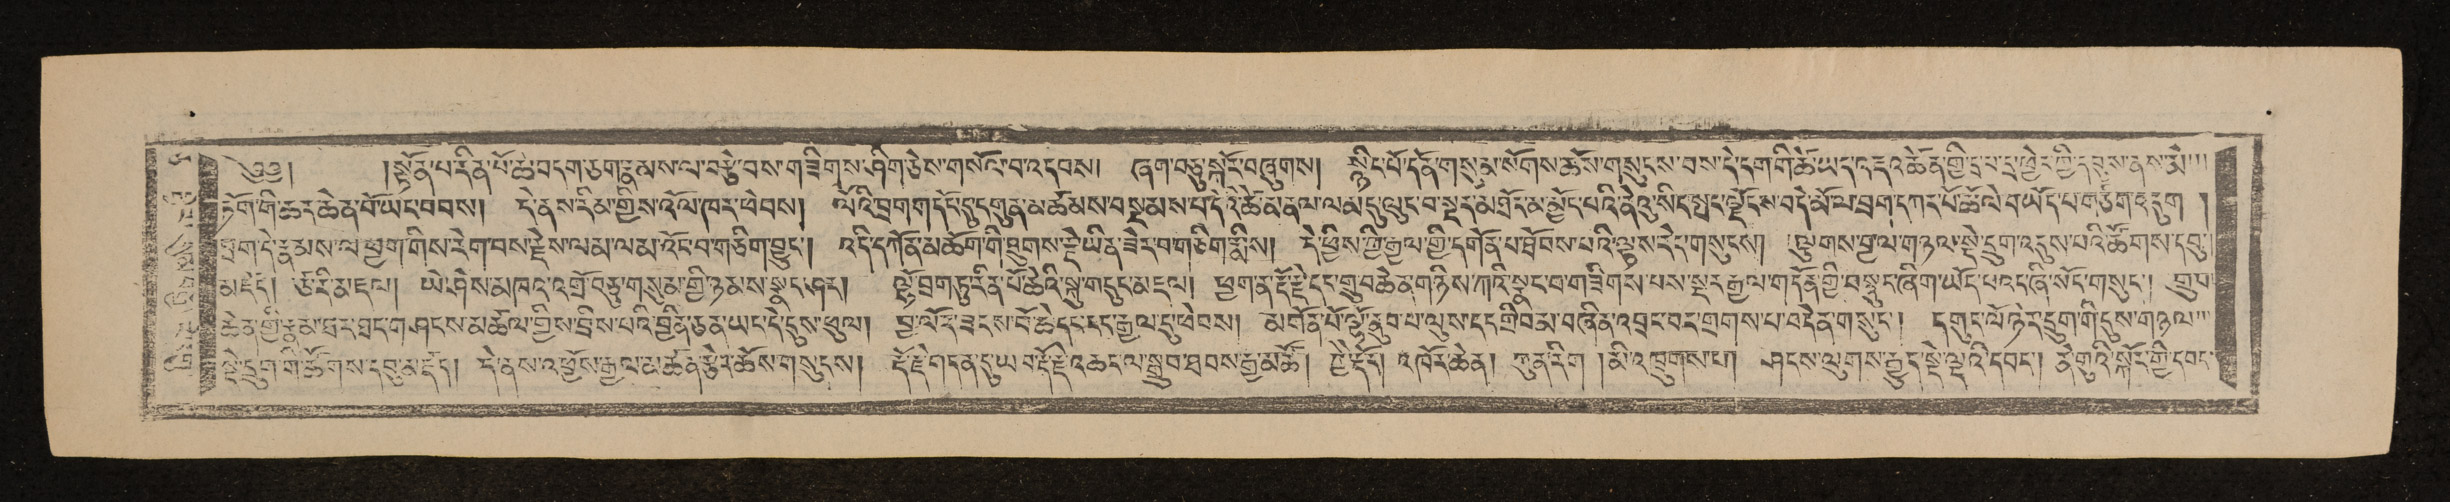༄༅། །སྟོན་པ་རིན་པོ་ཆེ་བདག་ཅག་རྣམས་ལ་བརྩེ་བས་གཟིགས་ཤིག་ཅེས་གསོལ་བ་འདབས། ཞག་བཅུ་སྐོར་བཞུགས། སྙིང་པོ་དོན་གསུམ་སོགས་ཆོས་གསུངས་པས་དེ་དག་གི་ཚེ་ཡང་འཇའ་ཚེན་གྱི་དྲ་བ་དྲ་ཕྱེད་ཀྱི་དབུས་ནས་མེ་
ཏོག་གི་ཆར་ཆེན་པོ་ཡང་བབས། དེ་ནས་རིམ་གྱིས་འོལ་ཁར་ཕེབས། ལོའི་བྲག་གདོང་དུ་དགུན་མཚམས་བསྡམས་པ་དེའི་ཚེ་མནལ་ལམ་དུ་ལུང་བ་སྔར་མཐོང་མ་མྱོང་བའི་ནེའུ་སིང་སྤང་ལྗོངས་བདེ་མོ་ལ་བྲག་དཀར་པོ་ཆོ་ལེབ་ཡོད་པ་གཅིག་འདུག །
བྲག་དེ་རྣམས་ལ་ཕྱག་གིས་རེག་པས་རྗེས་ལམ་ལམ་འོང་བ་གཅིག་བྱུང་། འདི་དཀོན་མཆོག་གི་ཐུགས་རྗེ་ཡིན་ཟེར་བ་གཅིག་རྨིས། དེ་ཕྱིས་ཀྱི་རྒྱལ་གྱི་དགོན་པ་ཐེབས་པའི་ལྟས་རེད་གསུངས། ལྕགས་བྱ་ལ་གཉལ་སྡེ་དྲུག་འདུས་པའི་ཚོགས་དབུ་
མཛད། ཙ་རི་མཇལ། ཡེ་ཤེས་མཁའ་འགྲོ་བཅུ་གསུམ་གྱི་ཉམས་སྣང་ཤར། ལྷོ་བྲག་ཏུ་རིན་པོ་ཆེའི་སྐུ་གདུང་མཇལ། ཕྱག་ན་རྡོ་རྗེ་དང་གྲུབ་ཆེན་གཉིས་ཀའི་སྣང་བ་གཟིགས་པས་སྔར་རྒྱལ་གདོན་གྱི་བསྙུང་ཞིག་ཡོད་པའང་ཞི་སོང་གསུང་། གྲུབ་
ཆེན་གྱི་རྣམ་ཐར་ཐང་ཀ་ཤངས་མཚལ་གྱིས་བྲིས་པའི་བྱིན་ཅན་ཡང་དེ་དུས་ཕུལ། བྱ་ལོར་ཟངས་པོ་ཆེ་དང་ངང་རྒྱལ་དུ་ཕེབས། མགོན་པོ་ལྷོ་ནུབ་པ་ལུས་དང་གྲིབ་མ་བཞིན་འབྲང་བར་གྲགས་པ་བདེན་གསུང་། དགུང་ལོ་ཉེར་དྲུག་གི་དུས་གཉལ་
སྡེ་དྲུག་གི་ཚོགས་དབུ་མཛད། དེ་ནས་འཕྱོས་རྒྱལ་མཚན་རྩེར་ཆོས་གསུངས། རྡོ་རྗེ་གདན་དུ་ཡབ་རྡོ་རྗེ་འཆང་ལ་སྒྲུབ་ཐབས་རྒྱ་མཚོ། ཀྱཻ་རྡོར། འཁོར་ཆེན། ཀུན་རིག །མི་འཁྲུགས་པ། ཤངས་ལུགས་རྒྱུད་སྡེ་ལྔའི་དབང་། ནེ་གུའི་སྐོར་གི་དབང་